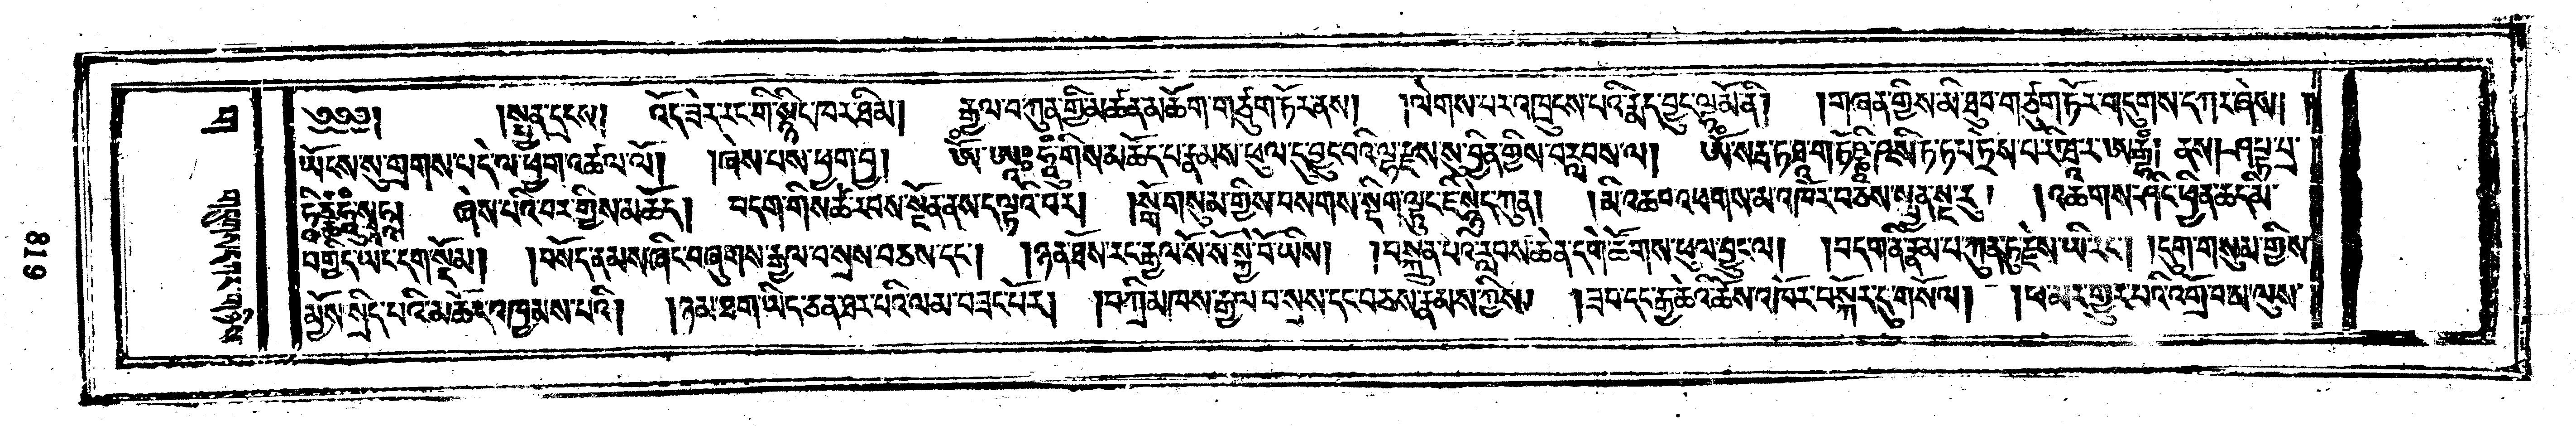༄༅༅། །སྤྱན་དྲངས། འོད་ཟེར་རང་གི་སྙིང་ཁར་ཐིམ། རྒྱལ་བ་ཀུན་གྱི་མཚན་མཆོག་གཙུག་ཏོར་ནས། །ལེགས་པར་འཁྲུངས་པའི་རྨད་བྱུང་ལྷ་མོ་ནི། །གཞན་གྱིས་མི་ཐུབ་གཙུག་ཏོར་གདུགས་དཀར་ཞེས། །
ཡོངས་སུ་གྲགས་པ་དེ་ལ་ཕྱག་འཚལ་ལོ། །ཞེས་པས་ཕྱག་བྱ། ཨོཾ་ཨཱཿ ཧཱུཾ་གིས་མཆོད་པ་རྣམས་ཕུལ་དུ་བྱུང་བའི་ལྷ་རྫས་སུ་བྱིན་གྱིས་བརླབས་ལ། ཨོཾ་སརྦ་ཏ་ཐཱ་ག་ཏོཥྞཱི་ཥསི་ཏ་ཏཔ་ཏྲེ་པ་རི་ཝཱ་ར་ཨརྒྷཾ། ནས། ཤཔྟ་པྲ་
ཏཱིཙྪཾ་ཧཱུཾ་སྭཱཧཱ། ཞེས་པའི་བར་གྱིས་མཆོད། བདག་གིས་ཚེ་རབས་སྔོན་ནས་ད་ལྟའི་བར། །སྒོ་གསུམ་གྱིས་བསགས་སྡིག་ལྟུང་ཇི་སྙེད་ཀུན། །མི་འཆབ་འཕགས་མ་འཁོར་བཅས་སྤྱན་སྔ་རུ། །འཆགས་ཤིང་ཕྱིན་ཆད་མི་
བགྱིད་ཡང་དག་སྡོམ། །བསོད་ནམས་ཞིང་བཞུགས་རྒྱལ་བ་སྲས་བཅས་དང་། །ཉན་ཐོས་རང་རྒྱལ་སོ་སོ་སྐྱེ་བོ་ཡིས། །བསྐྲུན་པའི་རླབས་ཆེན་དགེ་ཚོགས་ཕུལ་བྱུང་ལ། །བདག་ནི་རྣམ་པ་ཀུན་ཏུ་རྗེས་ཡི་རང་། །དུག་གསུམ་གྱིས་
མྱོས་སྲིད་པའི་མཆོད་འཁྱམས་པའི། །ཉམ་ཐག་ཡིད་ཅན་ཐར་པའི་ལམ་བཟང་པོར། །བཀྲི་མཁས་རྒྱལ་བ་སྲས་དང་བཅས་རྣམས་ཀྱིས། །ཟབ་དང་རྒྱ་ཆེའི་ཆོས་འཁོར་བསྐོར་དུ་གསོལ། །ཕ་མར་གྱུར་པའི་འགྲོ་བ་མ་ལུས་